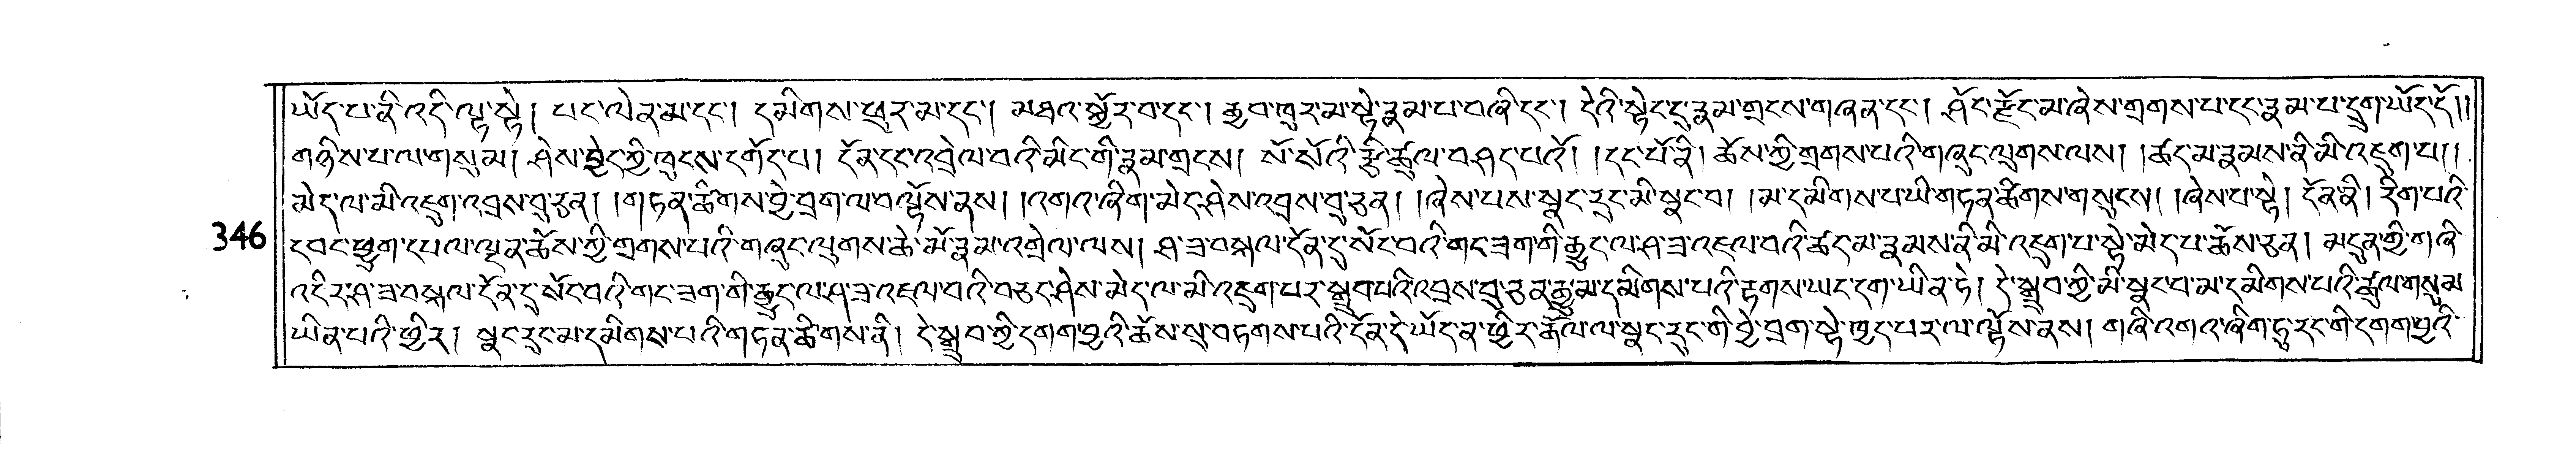ཡོད་པ་ནི་འདི་ལྟ་སྟེ། པང་ལེན་མ་དང་། དམིགས་ཕུར་མ་དང་། མཐའ་སྐྱོར་བ་དང་། རྒྱབ་ཁུར་མ་སྟེ་རྣམ་པ་བཞི་དང་། དེའི་སྟེང་དུ་རྣམ་གྲངས་གཞན་དང་། ཤོང་རྫོང་མ་ཞེས་གྲགས་པ་དང་རྣམ་པ་དྲུག་ཡོད་དོ། །
གཉིས་པ་ལ་གསུམ། ཤེས་བྱེད་ཀྱི་ཁུངས་དགོད་པ། དོན་དང་འབྲེལ་པའི་མིང་གི་རྣམ་གྲངས། སོ་སོའི་རྩི་ཚུལ་བཤད་པའོ། །དང་པོ་ནི། ཆོས་ཀྱི་གྲགས་པའི་གཞུང་ལུགས་ལས། །ཚད་མ་རྣམས་ནི་མི་འཇུག་པ།།
མེད་ལ་མི་འཇུག་འབྲས་བུ་ཅན། །གཏན་ཚིགས་བྱེ་བྲག་ལ་བལྟོས་ནས། །འགའ་ཞིག་མེད་ཤེས་འབྲས་བུ་ཅན། །ཞེས་པས་སྣང་རུང་མི་སྣང་བ། །མ་དམིགས་པ་ཡི་གཏན་ཚིགས་གསུངས། །ཞེས་པ་སྟེ། དོན་ནི། རིག་པའི་
དབང་ཕྱུག་དཔལ་ལྡན་ཆོས་ཀྱི་གྲགས་པའི་གཞུང་ལུགས་ཆེ་མོ་རྣམ་འགྲེལ་ལས། ཤ་ཟ་བསྐལ་དོན་དུ་སོང་བའི་གང་ཟག་གི་རྒྱུད་ལ་ཤ་ཟ་འཇལ་བའི་ཚད་མ་རྣམས་ནི་མི་འཇུག་པ་སྟེ་མེད་པ་ཆོས་ཅན། མདུན་གྱི་གཞི་
འདིར་ཤ་ཟ་བསྐལ་དོན་དུ་སོང་བའི་གང་ཟག་གི་རྒྱུད་ལ་ཤ་ཟ་འཇལ་བའི་བཅད་ཤེས་མེད་ལ་མི་འཇུག་པར་སྒྲུབ་པའི་འབྲས་བུ་ཅན་རྒྱུ་མ་དམིགས་པའི་རྟགས་ཡང་དག་ཡིན་ཏེ། དེ་སྒྲུབ་ཀྱི་མི་སྣང་བ་མ་དམིགས་པའི་ཚུལ་གསུམ་
ཡིན་པའི་ཕྱིར། སྣང་རུང་མ་དམིགས་པའི་གཏན་ཚིགས་ནི། དེ་སྒྲུབ་ཀྱི་དགག་བྱའི་ཆོས་སུ་བཏགས་པའི་དོན་དེ་ཡོད་ན་ཕྱིར་རྒོལ་ལ་སྣང་རུང་གི་བྱེ་བྲག་སྟེ་ཁྱད་པར་ལ་ལྟོས་ནས། གཞི་འགའ་ཞིག་ཏུ་རང་གི་དགག་བྱའི་